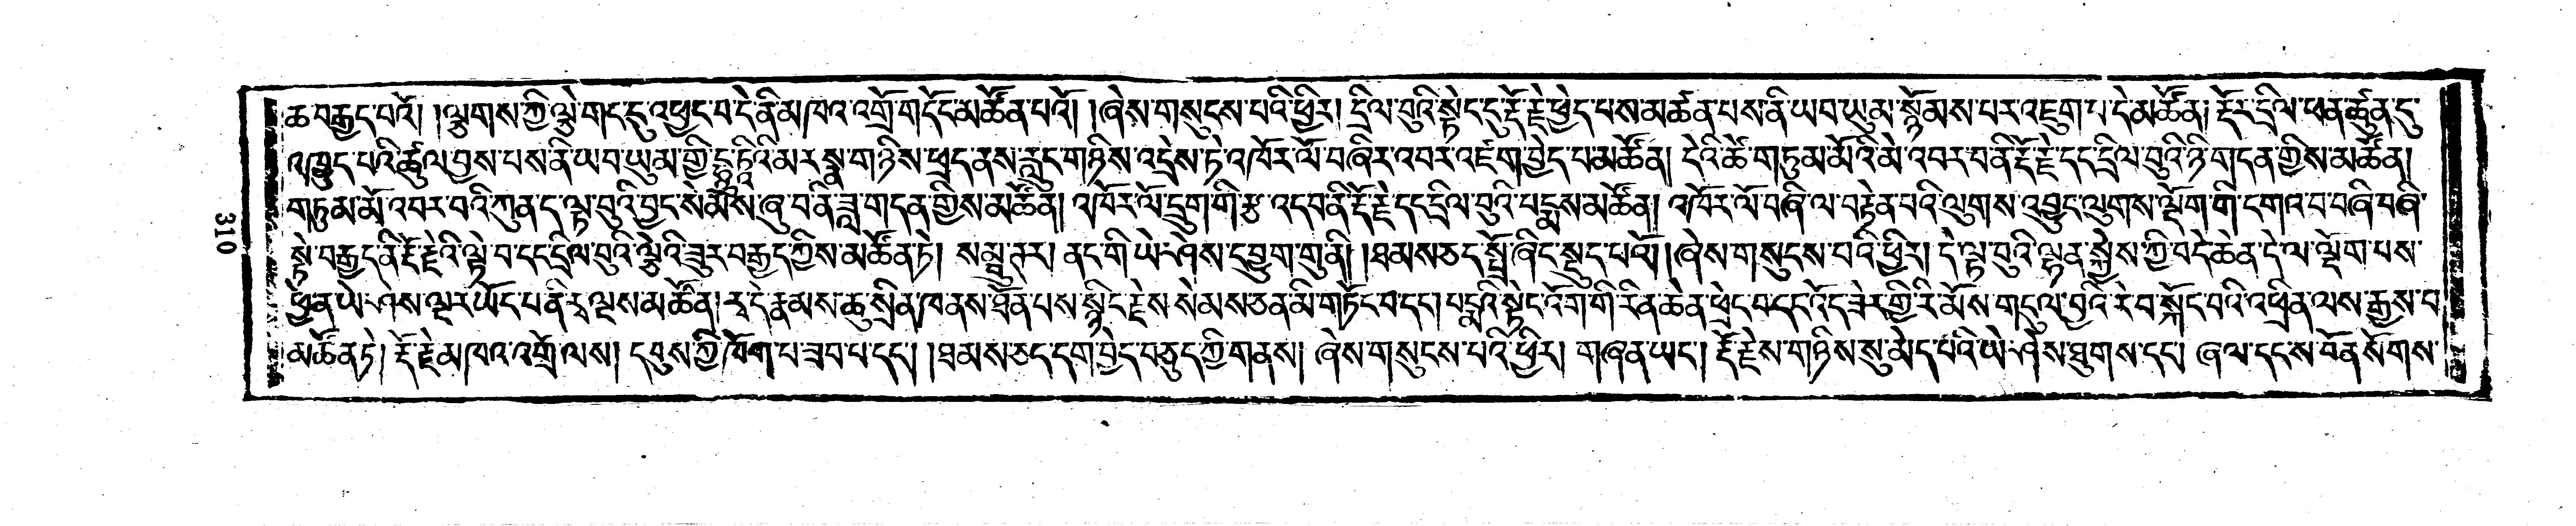ཆ་བརྒྱད་པའོ། །ལྕགས་ཀྱི་ལྕེ་གང་དུ་འཕྱང་བ་དེ་ནི་མཁའ་འགྲོ་གདོད་མཚོན་པའོ། །ཞེས་གསུངས་པའི་ཕྱིར། དྲིལ་བུའི་སྟེང་དུ་རྡོ་རྗེ་ཕྱེད་པས་མཚན་པས་ནི་ཡབ་ཡུམ་སྙོམས་པར་འཇུག་པ་དེ་མཚོན། རྡོར་དྲིལ་ཕན་ཚུན་དུ་
འཁྱུད་པའི་ཚུལ་བྱས་པས་ནི་ཡབ་ཡུམ་གྱི་དྷཱུ་ཏཱིའི་མར་སྣ་གཉིས་ཕྲད་ནས་རླུང་གཉིས་འདྲེས་ཏེ་འཁོར་ལོ་བཞིར་འབར་འཛག་བྱེད་པ་མཚོན། དེའི་ཚེ་གཏུམ་མོའི་མེ་འབར་བ་ནི་རྡོ་རྗེ་དང་དྲིལ་བུའི་ཉི་གདན་གྱིས་མཚོན།
གཏུམ་མོ་འབར་བའི་ཀུན་ད་ལྟ་བུའི་བྱང་སེམས་ཞུ་བ་ནི་ཟླ་གདན་གྱིས་མཚོན། འཁོར་ལོ་དྲུག་གི་རྩ་འདབ་ནི་རྡོ་རྗེ་དང་དྲིལ་བུའི་པདམས་མཚོན། འཁོར་ལོ་བཞི་ལ་བརྟེན་པའི་ལུགས་འབྱུང་ལུགས་ལྡོག་གི་དགའ་བ་བཞི་བཞི་
སྟེ་བརྒྱད་ནི་རྡོ་རྗེའི་ལྟེ་བ་དང་དྲིལ་བུའི་ལྕེའི་ཟུར་བརྒྱད་ཀྱིས་མཚོན་ཏེ། སམྦུ་ཊར། ནང་གི་ཡེ་ཤེས་དབྱུག་གུ་ནི། །ཐམས་ཅད་སྤྲོ་ཞིང་སྡུད་པའོ། །ཞེས་གསུངས་པའི་ཕྱིར། དེ་ལྟ་བུའི་ལྷན་སྐྱེས་ཀྱི་བདེ་ཆེན་དེ་ལ་ལྡོག་པས་
ཕྱེ་ན་ཡེ་ཤེས་ལྔར་ཡོད་པ་ནི་རྭ་ལྔས་མཚོན། རྭ་དེ་རྣམས་ཆུ་སྲིན་ཁ་ནས་ཐོན་པས་སྙིང་རྗེས་སེམས་ཅན་མི་གཏོང་བ་དང་། པདམའི་སྟེང་འོག་གི་རིན་ཆེན་ཕྲེང་བ་དང་འོད་ཟེར་གྱི་རི་མོས་གདུལ་བྱའི་རེ་བ་སྐོང་བའི་འཕྲིན་ལས་རྒྱས་པ་
མཚོན་ཏེ། རྡོ་རྗེ་མཁའ་འགྲོ་ལས། དབུས་ཀྱི་ཁོག་པ་ཟབ་པ་དང་། །ཐམས་ཅད་དག་བྱེད་བཅུད་ཀྱི་གནས། ཞེས་གསུངས་པའི་ཕྱིར། གཞན་ཡང་། རྡོ་རྗེས་གཉིས་སུ་མེད་པའི་ཡེ་ཤེས་ཐུགས་དང་། ཞལ་དང་ས་བོན་སོགས་